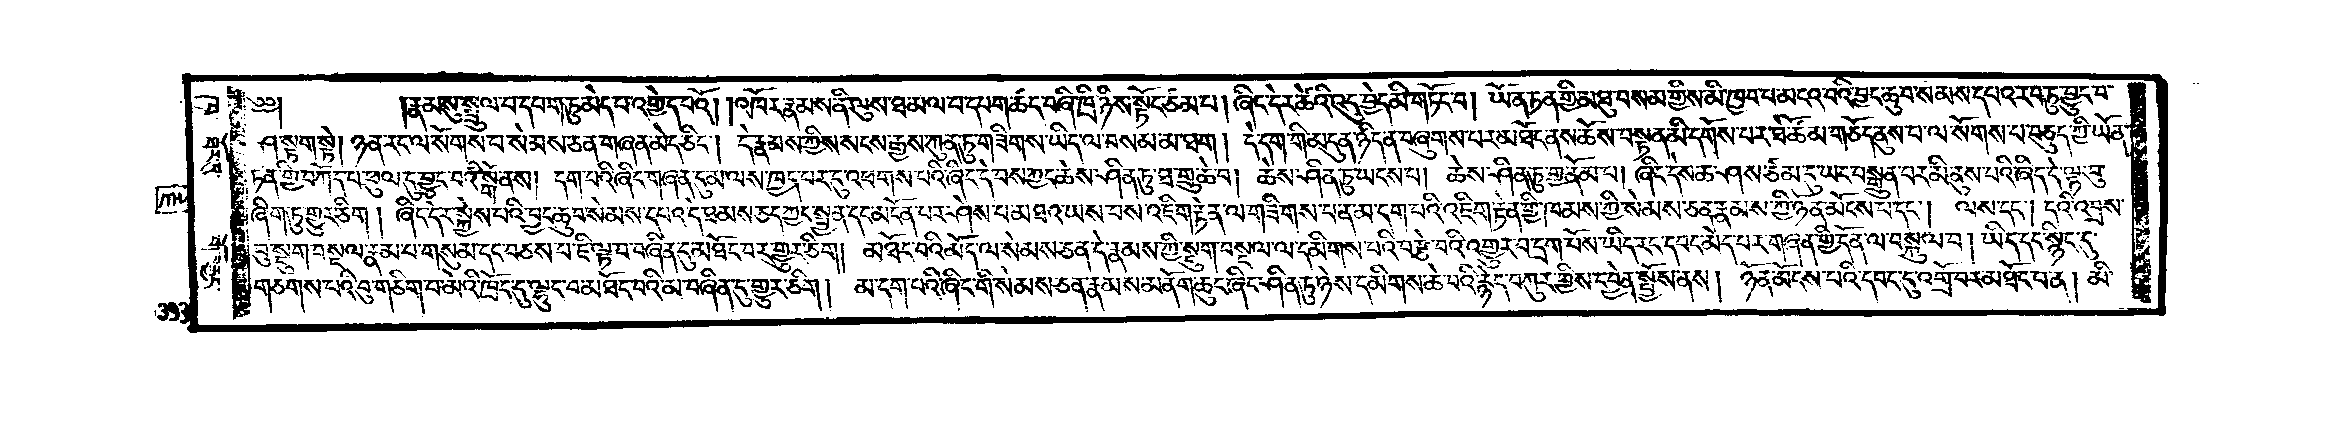༄༅། །རྣམས་སུ་སྤྲུལ་པ་དཔག་ཏུ་མེད་པ་འགྱེད་པའོ། །འཁོར་རྣམས་ནི་ལུས་ཐ་མལ་དཔག་ཚད་བཞི་ཁྲི་ཉིས་སྟོང་ཙམ་པ། ཞིང་དེར་ཚེའི་འདུ་བྱེད་མི་གཏོང་བ། ཡོན་ཏན་གྱི་མཐུ་བསམ་གྱིས་མི་ཁྱབ་པ་མངའ་བའི་བྱང་ཆུབ་སེམས་དཔའ་རབ་ཏུ་བྱུང་བ་
ཤ་སྟག་སྟེ། ཉན་རང་ལ་སོགས་པ་སེམས་ཅན་གཞན་མེད་ཅིང་། དེ་རྣམས་ཀྱིས་སངས་རྒྱས་ཀུན་ཏུ་གཟིགས་ཡིད་ལ་བསམ་མ་ཐག། དེ་དག་གི་མདུན་ཉིད་ན་བཞུགས་པར་མཐོང་ནས་ཆོས་བསྟན་མི་དགོས་པར་ཐེ་ཚོམ་གཅོད་ནུས་པ་ལ་སོགས་པ་བཅུད་ཀྱི་ཡོན་
ཏན་གྱི་བཀོད་པ་ཕུལ་དུ་བྱུང་བའི་སྒོ་ནས། དག་པའི་ཞིང་གཞན་དུ་མ་ལས་ཁྱད་པར་དུ་འཕགས་པའི་ཞིང་དེ་བས་ཀྱང་ཆེས་ཤིན་ཏུ་ཐ་གྲུ་ཆེ་བ། ཆེས་ཤིན་ཏུ་ཡངས་པ། ཆེས་ཤིན་ཏུ་གྱ་ནོམ་པ། ཞིང་དེས་ཆ་ཤས་ཙམ་དུ་ཡང་བསྒྲུན་པར་མི་ནུས་པའི་ཞིད་དེ་ལྟ་བུ་
ཞིག་ཏུ་གྱུར་ཅིག། ཞིང་དེར་སྐྱེས་པའི་བྱང་ཆུབ་སེམས་དཔའ་དེ་ཐམས་ཅད་ཀྱང་སྤྱན་དང་མངོན་པར་ཤེས་པ་མཐའ་ཡས་པས་འཇིག་རྟེན་ལ་གཟིགས་པ་ན་མ་དག་པའི་འཇིག་རྟེན་གྱི་ཁམས་ཀྱི་སེམས་ཅན་རྣམས་ཀྱི་ཉོན་མོངས་པ་དང་། ལས་དང་། དེའི་འབྲས་
བུ་སྡུག་བསྔལ་རྣམ་པ་གསུམ་དང་བཅས་པ་ཇི་ལྟ་བ་བཞིན་དུ་མཐོང་བར་གྱུར་ཅིག། མཐོང་བའི་མོད་ལ་སེམས་ཅན་དེ་རྣམས་ཀྱི་སྡུག་བསྔལ་ལ་དམིགས་པའི་བརྩེ་བའི་འགྱུར་བ་དྲག་པོས་ཡིད་རང་དབང་མེད་པར་གཞན་གྱི་དོན་ལ་བསྐུལ་བ། ཡིད་དང་སྙིང་དུ་
གཅགས་པའི་བུ་གཅིག་པ་མེའི་ཁྲོད་དུ་ལྷུང་བ་མཐོང་བའི་མ་བཞིན་དུ་གྱུར་ཅིག། མ་དག་པའི་ཞིང་གི་སེམས་ཅན་རྣམས་མནོག་ཆུང་ཞིང་ཤིན་ཏུ་ཉེས་དམིགས་ཆེ་བའི་རྙེད་བཀུར་གྱིས་དབྱེན་སྤྱོས་ནས། ཉོན་མོངས་པའི་དབང་དུ་འགྲོ་བར་མཐོང་བ་ན། མི་